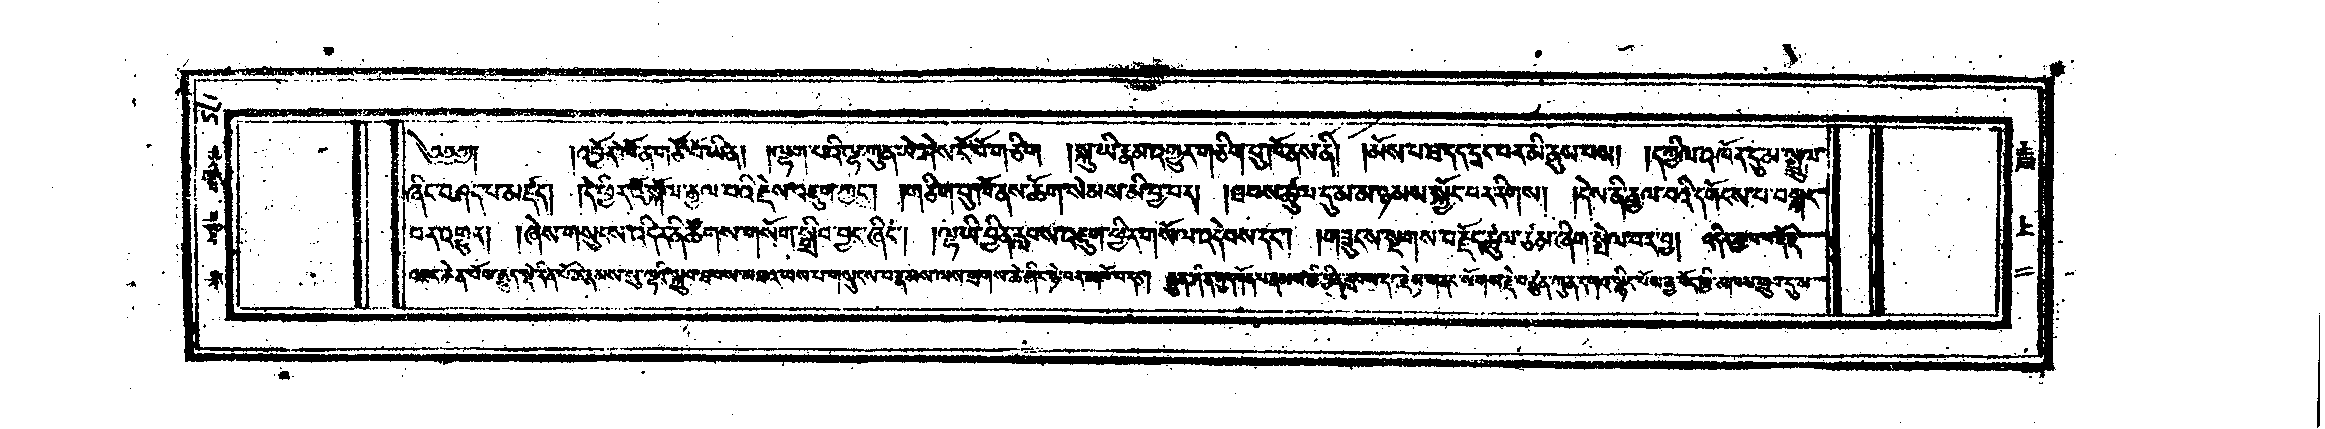༄༅༅། །འབྱོར་ཁོ་ན་གཙོ་བོ་ཡིན། །ལྷག་པའི་ལྷ་ཀུན་ཡེ་ཤེས་ངོ་བོ་གཅིག །སྐུ་ཡི་རྣམ་འགྱུར་གཅིག་པུ་ཁོ་ནས་ནི། །མོས་པ་ཐ་དད་དྲང་བར་མི་ནུས་པས། །དཀྱིལ་འཁོར་དུ་མ་སྤྲུལ་
ཞིང་བཤད་པ་མཛད། །དེ་ཕྱིར་འོ་སྐོལ་རྒྱལ་བའི་རྗེས་འཇུག་ཀྱང་། །གཅིག་པུ་ཁོ་ནས་ཆོག་སེམས་མི་བྱ་བར། །ཐབས་ཚུལ་དུ་མ་མ་ཉམས་སྐྱོང་བར་རིགས། །དེས་ནི་རྒྱལ་བའི་དགོངས་པ་བསྐང་
བར་འགྱུར། །ཞེས་གསུངས་འདིར་ནི་ཚོགས་གསོག་སྒྲིབ་བྱང་ཞིང་། །ལྷ་ཡི་བྱིན་རླབས་འཇུག་ཕྱིར་གསོལ་འདེབས་དང་། །གཟུངས་སྔགས་བརྗོད་ཚུལ་ཙམ་ཞིག་སྤེལ་བར་བྱ། འདིར་རྒྱལ་བ་རྡོ་རྗེ་
འཆང་ཆེན་པོས་རྒྱུད་སྡེ་རིན་པོ་ཆེ་རྣམས་སུ་ལྷའི་སྒྲུབ་ཐབས་མཐའ་ཡས་པ་གསུངས་པ་རྣམས་ལས་གྲགས་ཆེ་ཞིང་ཉེ་བར་མཁོ་བ་དང་། རྒྱུན་ཤིན་ཏུ་དཀོན་པ་རྣམས་ཀྱི་བྱིན་རླབས་དང་རྗེས་གནང་སོགས་རྗེ་བཙུན་ཀུན་དགའ་སྙིང་པོས་རྒྱ་བོད་ཀྱི་མཁས་གྲུབ་དུ་མ